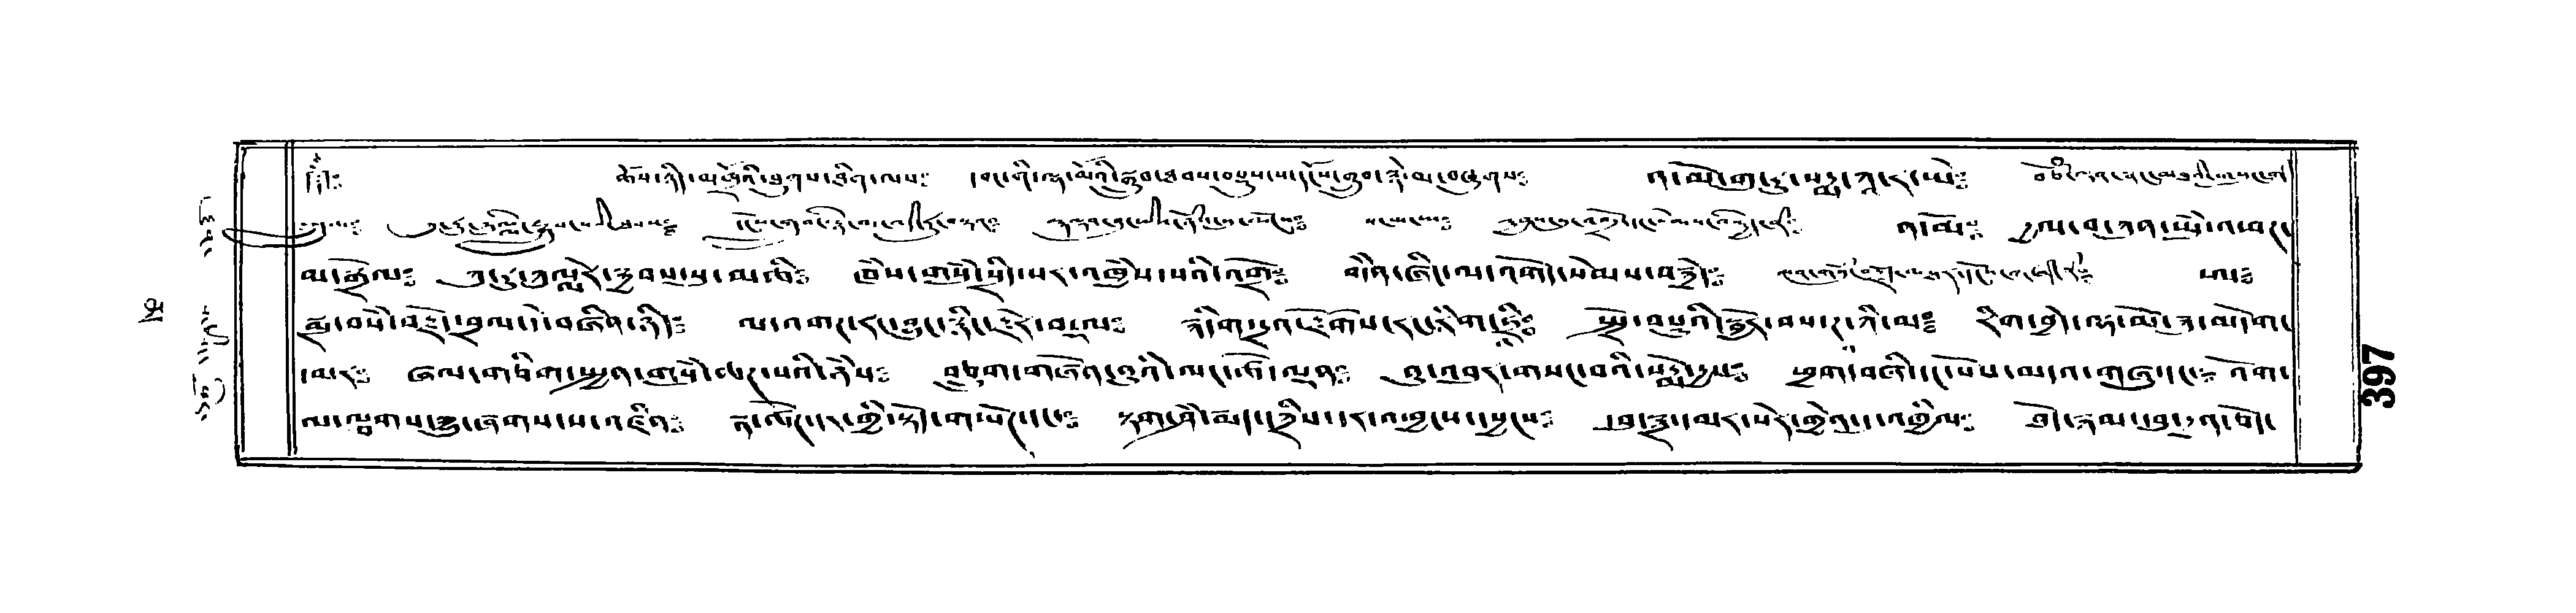ཆོས་ཉིད་མཁའ་འགྲོའི་ཐུགས་ཐིག་ལས༔ དབང་གི་ལྷ་མོའི་སྒྲུབ་ཐབས་བསྡུས་པ་དངོས་གྲུབ་སྙེ་མ་བཞུགས༔ ན་མོ་གུ་རུ་པདྨ་ཀཱ་ར་ཡེ༔ བཅོམ་ལྡན་སྣང་མཐའི་གསུང་གི་
སྤྲུལ༔ ཀུ་རུ་ཀུལླེ་སྒྲུབ་པའི་ཐབས༔ དངོས་གྲུབ་སྙེ་མ་འདི་རུ་བསྟན༔ སྐལ་ལྡན་བུ་ཡིས་ཉམས་སུ་ལོངས༔ ས་མ་ཡ༔ སྐྱབས་སུ་འགྲོ་དང་སེམས་བསྐྱེད་ནི༔ ན་མོ༔ རྒྱལ་བ་ཀུན་ཡུམ་འཕགས་
མ་སྒྲོལ༔ ཀུ་རུ་ཀུལླེར་སྐྱབས་སུ་མཆི༔ ཁམས་གསུམ་སྲིད་པར་འཁྱམས་པའི་འགྲོ༔ བདེ་ཆེན་ཞིང་ལ་འགོད་སེམས་བསྐྱེད༔ ལན་གསུམ་བརྗོད་མཐར་དངོས་གཞི་ནི༔ ཨཱཿ 
སྨྲ་བསམ་བརྗོད་བྲལ་དེ་བཞིན་ཉིད༔ མ་འགགས་རང་བྱུང་སྙིང་རྗེར་བརྡལ༔ སྐད་ཅིག་དྲན་རྫོགས་རང་རིག་ཧྲཱིཿ སྤྲོ་བསྡུའི་སྦྱོར་བས་ཌཱ་ཀི་མ༔ རིག་བྱེད་ལྷ་མོ་སྐུ་མདོག་
དམར༔ ཞལ་གཅིག་སྤྱན་གསུམ་ཆགས་པའི་ཉམས༔ བཅུ་དྲུག་གཞོན་ནུའི་ལང་ཚོ་ལྡན༔ ནུ་འབུར་གསང་བའི་པདྨོ་རྒྱས༔ ཕྱག་བཞི་དང་པོས་མདའ་གཞུ་དང༔ འོག་
མ་ལྕགས་ཀྱུ་ཞགས་པ་འཛིན༔ སྣ་ཚོགས་དར་གྱི་སྟོད་གཡོགས་དང༔ སྟག་ཤམ་སྨད་དཀྲིས་དར་འཕྱང་དཔྱངས༔ དབུ་སྐྲ་དམར་སེར་གྱེན་དུ་འཁྱིལ༔ ཐོད་སྐམ་དབུ་རྒྱན་ཅོད་